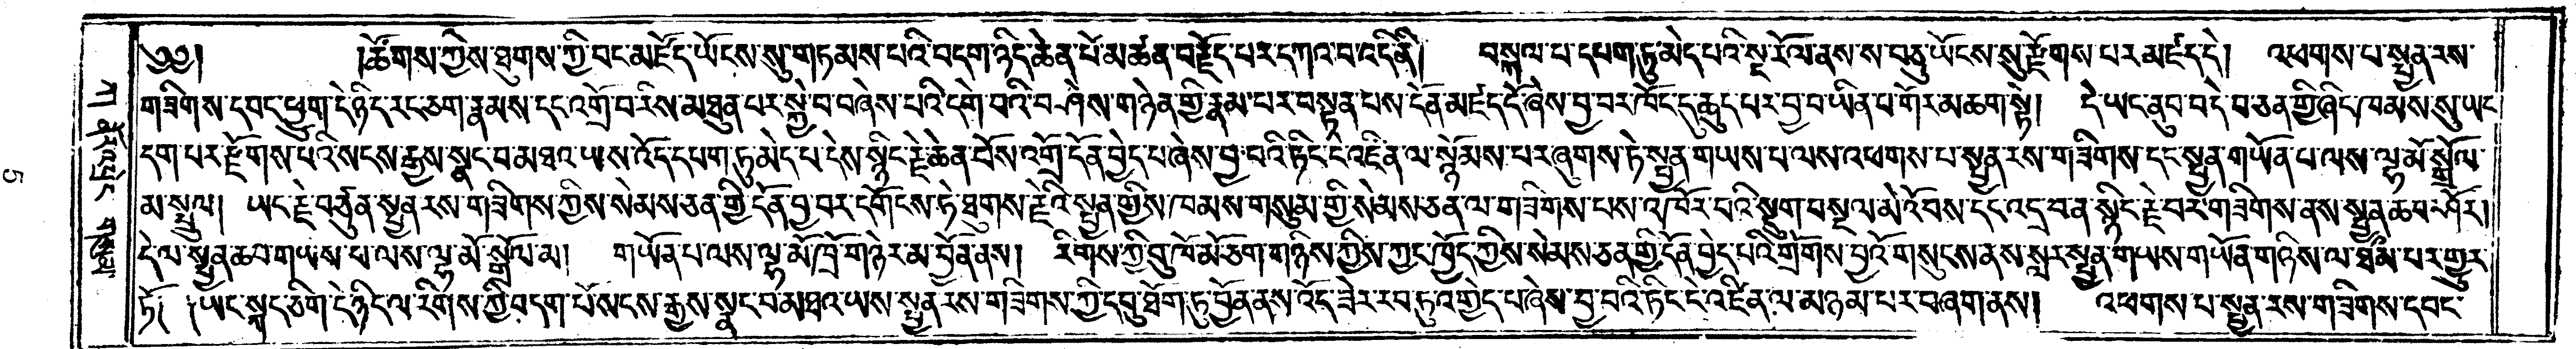༄༅། །ཚོགས་ཀྱིས་ཐུགས་ཀྱི་བང་མཛོད་ཡོངས་སུ་གཏམས་པའི་བདག་ཉིད་ཆེན་པོ་མཚན་བརྗོད་པར་དཀའ་བ་འདི་ནི། བསྐལ་པ་དཔག་ཏུ་མེད་པའི་སྔ་རོལ་ནས་ས་བཅུ་ཡོངས་སུ་རྫོགས་པར་མཛད་དེ། འཕགས་པ་སྤྱན་རས་
གཟིགས་དབང་ཕྱུག་དེ་ཉིད་རང་ཅག་རྣམས་དང་འགྲོ་བ་རིས་མཐུན་པར་སྐྱེ་བ་བཞེས་པའི་དགེ་བའི་བཤེས་གཉེན་གྱི་རྣམ་པར་བསྟན་པས་དོན་མཛད་དོ་ཞེས་བྱ་བར་ཁོང་དུ་ཆུད་པར་བྱ་བ་ཡིན་པ་གོར་མཆོག་སྟེ། དེ་ཡང་ནུབ་བདེ་བ་ཅན་གྱི་ཞིང་ཁམས་སུ་ཡང་
དག་པར་རྫོགས་པའི་སངས་རྒྱས་སྣང་བ་མཐའ་ཡས་འོད་དཔག་ཏུ་མེད་པ་དེས་སྙིང་རྗེ་ཆེན་བོས་འགྲོ་དོན་བྱེད་པ་ཞེས་བྱ་བའི་ཏིང་ངེ་འཛིན་ལ་སྙོམས་པར་ཞུགས་ཏེ་སྤྱན་གཡས་པ་ལས་འཕགས་པ་སྤྱན་རས་གཟིགས་དང་སྤྱན་གཡོན་པ་ལས་ལྷ་མོ་སྒྲོལ་
མ་སྤྲུལ། ཡང་རྗེ་བཙུན་སྤྱན་རས་གཟིགས་ཀྱིས་སེམས་ཅན་གྱི་དོན་བྱ་བར་དགོངས་ཏེ་ཐུགས་རྗེའི་སྤྱན་གྱིས་ཁམས་གསུམ་གྱི་སེམས་ཅན་ལ་གཟིགས་པས་འཁོར་བའི་སྡུག་བསྔལ་མེའོ་བས་དང་འདྲ་བ་ན་སྙིང་རྗེ་བར་གཟིགས་ནས་སྤྱན་ཆབ་ཤོར།
དེ་ལ་སྤྱན་ཆབ་གཡས་པ་ལས་ལྷ་མོ་སྒྲོལ་མ། གཡོན་པ་ལས་ལྷ་མོ་ཁྲོ་གཉེར་མ་བྱོན་ནས། རིགས་ཀྱི་བུ་ཁོ་མོ་ཅག་གཉིས་ཀྱིས་ཀྱང་ཁྱོད་ཀྱིས་སེམས་ཅན་གྱི་དོན་བྱེད་པའི་གྲོགས་བྱའོ་གསུངས་ནས་སླར་སྤྱན་གཡས་གཡོན་གཉིས་ལ་ཐྀམ་པར་གྱུར་
ཏོ༑ ༑ཡང་སྐད་ཅིག་དེ་ཉིད་ལ་རིགས་ཀྱི་བདག་པོ་སངས་རྒྱས་སྣང་བ་མཐའ་ཡས་སྤྱན་རས་གཟིགས་ཀྱི་དབུ་ཐོག་ཏུ་བྱོན་ནས་འོད་ཟེར་རབ་ཏུ་འགྱེད་པ་ཞེས་བྱ་བའི་ཏིང་ངེ་འཛིན་ལ་མཉམ་པར་བཞག་ནས། འཕགས་པ་སྤྱན་རས་གཟིགས་དབང་